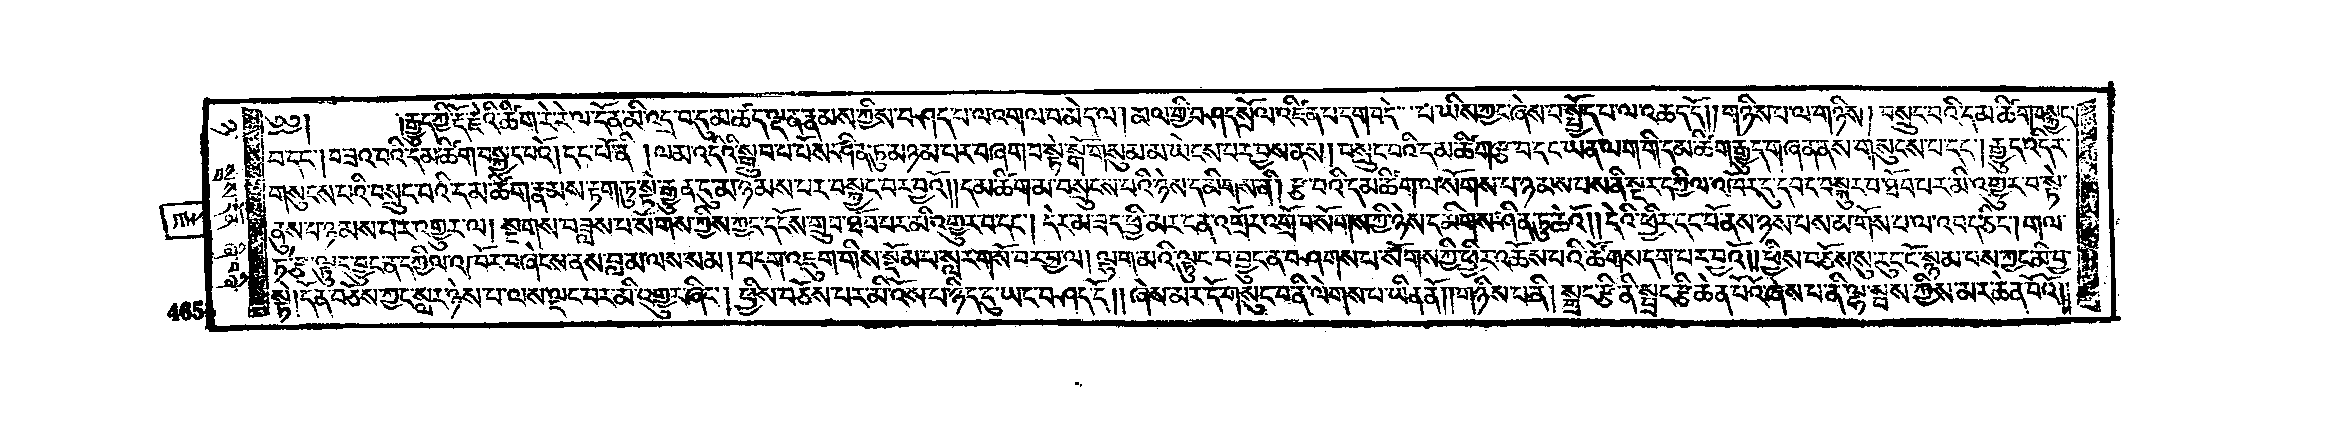༄༅། །རྒྱུད་ཀྱི་རྡོ་རྗེའི་ཚིག་རེ་རེ་ལ་དོན་མི་འདྲ་བ་དུ་མ་ཚད་ལྡན་རྣམས་ཀྱིས་བཤད་པ་ལ་འགལ་བ་མེད་ལ། མལ་གྱི་བཤད་སྲོལ་འཛིན་པ་དག་བདེ་པ་ཡིས་ཀྱང་ཞེས་པ་སྤྱོད་པ་ལ་འཆད་དོ། །གཉིས་པ་ལ་གཉིས། བསྲུང་བའི་དམ་ཚིག་བསྐྱང་
བ་དང་། བཟའ་བའི་དམ་ཚིག་བསྐྱང་པའོ། དང་པོ་ནི། ལམ་འདིའི་སྒྲུབ་པ་པོས་ཤིན་ཏུ་མཉམ་པར་བཞག་བ་སྟེ་སྒོ་གསུམ་མ་ཡེངས་པར་བྱས་ནས། བསྲུང་བའི་དམ་ཚིག་རྩ་བ་དང་ཡན་ལག་གི་དམ་ཚིག་རྒྱུད་གཞན་ནས་གསུངས་པ་དང་། རྒྱུད་འདིར་
གསུངས་པའི་བསྲུང་བའི་དམ་ཚིག་རྣམས་རྟག་ཏུ་སྟེ་རྒྱུན་དུ་མ་ཉམས་པར་བསྐྱང་བར་བྱའོ། །དམ་ཚིག་མ་བསྲུངས་པའི་ཉེས་དམིགས་ནི། རྩ་བའི་དམ་ཚིག་ལ་སོགས་པ་ཉམས་པས་ནི་སྔར་དཀྱིལ་འཁོར་དུ་དབང་བསྐུར་བ་ཐོབ་པར་མི་འགྱུར་བ་སྟེ་
ནུས་པ་ཉམས་པར་འགྱུར་ལ། སྔགས་བཟླས་པ་སོགས་ཀྱིས་ཀྱང་དངོས་གྲུབ་ཐོབ་པར་མི་འགྱུར་བ་དང་། དེར་མ་ཟད་ཕྱི་མར་ངན་འགྲོར་འགྲོ་བ་སོགས་ཀྱི་ཉེས་དམིགས་ཤིན་ཏུ་ཆེའོ། །དེའི་ཕྱིར་དང་པོ་ནས་ཉས་པས་མ་གོས་པ་ལ་འབད་ཅིང་། གལ་
ཏེ་རྩ་ལྟུང་བྱུང་ན་དཀྱིལ་འཁོར་བཞེངས་ནས་བླ་མ་ལས་སམ། བདག་འཇུག་གིས་སྡོམ་པ་སླར་གསོ་བར་བྱ་ལ། ལྷག་མའི་ལྟུང་བ་བྱུང་ན་བཤགས་པ་སོགས་ཀྱི་ཕྱིར་འཆོས་པའི་ཚོགས་དག་པར་བྱའོ། །ཕྱིས་བཅོས་སུ་རུང་ངོ་སྙམ་པས་ཀྱང་མི་བྱ་
སྟེ། དོན་བཅོས་ཀྱང་སླར་ཉེས་པ་ལས་ལྡང་བར་མི་འགྱུར་ཞིང་། ཕྱིས་བཅོས་པར་མི་འོས་པ་ཉིད་དུ་ཡང་བཤད་དོ། །ཞེས་མར་དོ་གསུང་བ་ནི་ལེགས་པ་ཡིན་ནོ། །གཉིས་པ་ནི། སྒྲང་རྩི་ནི་སྦྲང་རྩི་ཆེན་པོའི་ཞེས་པ་ནི་ལྷ་སྦས་ཀྱིས་མར་ཆེན་བོའོ། །